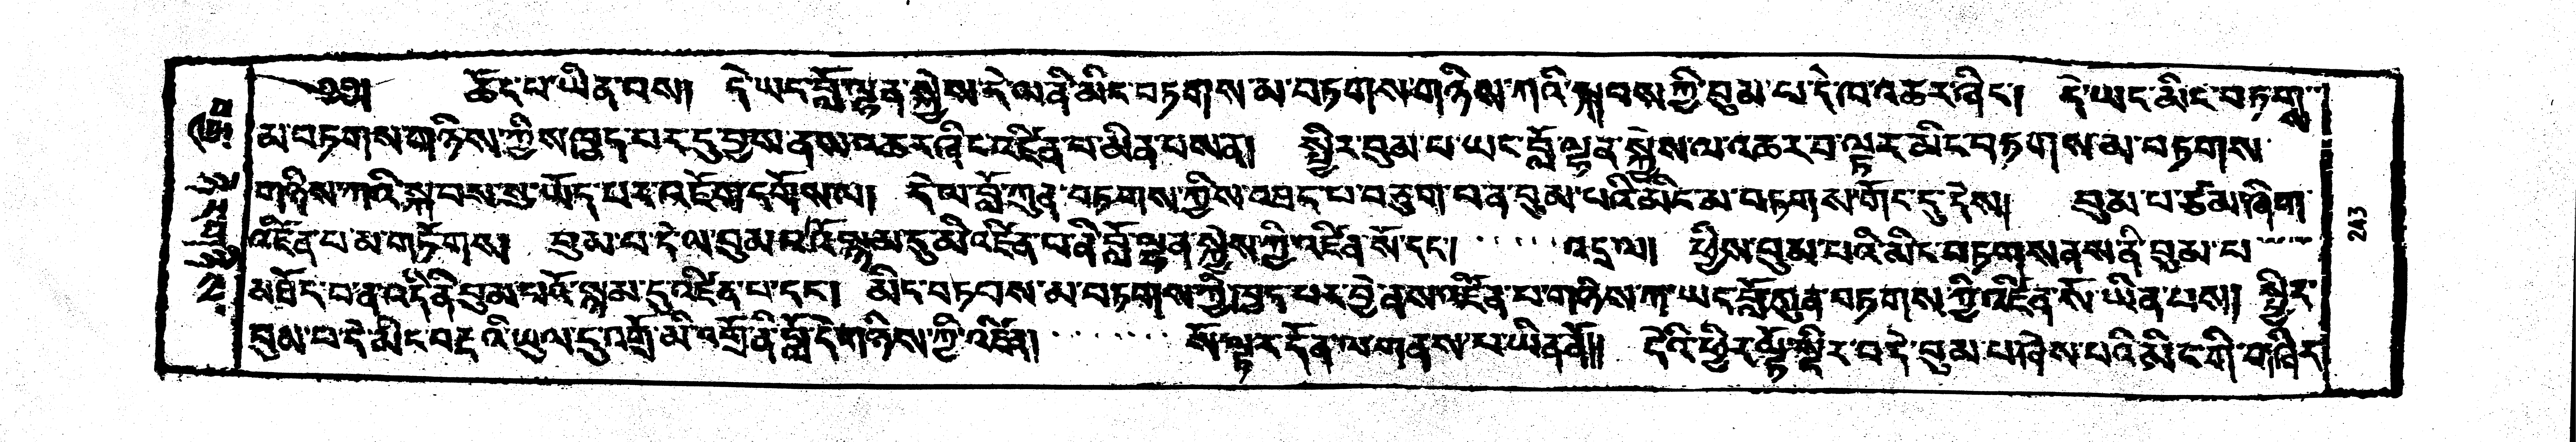༄༅། །ཆོད་པ་ཡིན་པས། དེ་ཡང་བློ་ལྷན་སྐྱེས་དེ་ལ་ནི་མིང་བཏགས་མ་བཏགས་གཉིས་ཀའི་སྐབས་ཀྱི་བུམ་པ་དེ་ཁ་འཆར་ཞིང་། དེ་ཡང་མིང་བཏགས་
མ་བཏགས་གཉིས་ཀྱིས་ཁྱད་པར་དུ་བྱས་ནས་འཆར་ཞིང་འཛིན་པ་མིན་པས་ན། སྤྱིར་བུམ་པ་ཡང་བློ་ལྷན་སྐྱེས་ལ་འཆར་བ་ལྟར་མིང་བཏགས་མ་བཏགས་
གཉིས་ཀའི་སྐབས་སུ་ཡོད་པར་འཇོག་དགོས་ལ། དེ་ལ་བློ་ཀུན་བཏགས་ཀྱིས་འཐད་པ་བཅུག་པ་ན་བུམ་པའི་མིང་མ་བཏགས་གོང་དུ་དེས། བུམ་པ་ཙམ་ཞིག་
འཛིན་པ་མ་གཏོགས། བུམ་པ་དེ་ལ་བུམ་པའོ་སྙམ་དུ་མི་འཛིན་པ་ནི་བློ་ལྷན་སྐྱེས་ཀྱི་འཛིན་སོ་དང་། འདྲ་ལ། ཕྱིས་བུམ་པའི་མིང་བཏགས་ནས་ནི་བུམ་པ་
མཐོང་བ་ན་འདི་ནི་བུམ་པའོ་སྙམ་དུ་འཛིན་པ་དང་། མིང་བཏབས་མ་བཏགས་ཀྱི་ཁྱད་པར་བྱེ་ནས་འཛིན་པ་གཉིས་ཀ་ཡང་བློ་ཀུན་བཏགས་ཀྱི་འཛིན་སོ་ཡིན་པས། སྤྱིར་
བུམ་པ་དེ་མིང་བརྡའི་ཡུལ་དུ་འགྲོ་མི་འགྲོ་ནི་བློ་དེ་གཉིས་ཀྱི་འཛིན། སོ་ལྟར་དོན་ལ་གནས་པ་ཡིན་ནོ། །དེའི་ཕྱིར་ལྟོ་སྡིར་བདེ་བུམ་པ་ཞེས་པའི་མིང་གི་གཞིར་